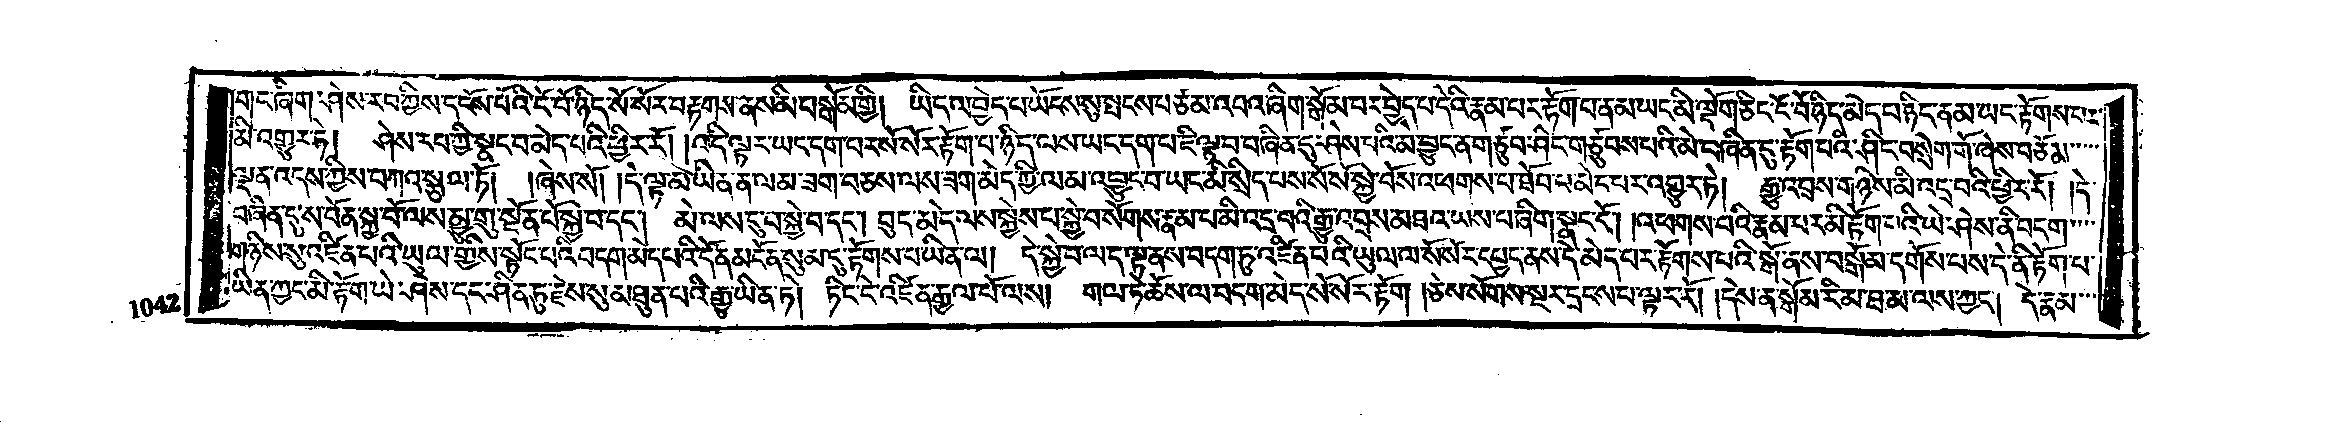གང་ཞིག་ཤེས་རབ་ཀྱིས་དངོས་པོའི་ངོ་བོ་ཉིད་སོ་སོར་བརྟགས་ནས་མི་བསྒོམ་གྱི། ཡིད་ལ་བྱེད་པ་ཡོངས་སུ་སྤངས་པ་ཙམ་འབའ་ཞིག་སྒོམ་པར་བྱེད་པ་དེའི་རྣམ་པར་རྟོག་པ་ནམ་ཡང་མི་ལྡོག་ཅིང་ངོ་བོ་ཉིད་མེད་པ་ཉིད་ནམ་ཡང་རྟོགས་པར་
མི་འགྱུར་ཏེ། ཤེས་རབ་ཀྱི་སྣང་བ་མེད་པའི་ཕྱིར་རོ། །འདི་ལྟར་ཡང་དག་པར་སོ་སོར་རྟོག་པ་ཉིད་ལས་ཡང་དག་པ་ཇི་ལྟ་བ་བཞིན་དུ་ཤེས་པའི་མེ་བྱུང་ན་གཙུབ་ཤིང་གཙུབས་པའི་མེ་བཞིན་དུ་རྟོག་པའི་ཤིང་བསྲེག་གོ་ཞེས་བཅོམ་
ལྡན་འདས་ཀྱིས་བཀའ་སྩལ་ཏོ། །ཞེས་སོ། །དེ་ལྟ་མ་ཡིན་ན་ལམ་ཟག་བཅས་ལས་ཟག་མེད་ཀྱི་ལམ་འབྱུང་བ་ཡང་མི་སྲིད་པས་སོ་སོ་སྐྱེ་བོས་འཕགས་པ་ཐོབ་པ་མེད་པར་འགྱུར་ཏེ། རྒྱུ་འབྲས་གཉིས་མི་འདྲ་བའི་ཕྱིར་རོ། །དེ་
བཞིན་དུ་ས་བོན་སྐྱ་བོ་ལས་མྱུ་གུ་སྔོན་པོ་སྐྱེ་བ་དང་། མེ་ལས་དུ་བ་སྐྱེ་བ་དང་། བུད་མེད་ལས་སྐྱེས་པ་སྐྱེ་བ་སོགས་རྣམ་པ་མི་འདྲ་བའི་རྒྱུ་འབྲས་མཐའ་ཡས་པ་ཞིག་སྣང་ངོ། །འཕགས་པའི་རྣམ་པར་མི་རྟོག་པའི་ཡེ་ཤེས་ནི་བདག་
གཉིས་སུ་འཛིན་པའི་ཡུལ་གྱིས་སྟོང་པའི་བདག་མེད་པའི་དོན་མངོན་སུམ་དུ་རྟོགས་པ་ཡིན་ལ། དེ་སྐྱེ་བ་ལ་ད་ལྟ་ནས་བདག་ཏུ་འཛིན་པའི་ཡུལ་ལ་སོ་སོར་དཔྱད་ནས་དེ་མེད་པར་རྟོགས་པའི་སྒོ་ནས་བསྒོམ་དགོས་པས་དེ་ནི་རྟོག་པ་
ཡིན་ཀྱང་མི་རྟོག་ཡེ་ཤེས་དང་ཤིན་ཏུ་རྗེས་སུ་མཐུན་པའི་རྒྱུ་ཡིན་ཏེ། ཏིང་ངེ་འཛིན་རྒྱལ་པོ་ལས། གལ་ཏེ་ཆོས་ལ་བདག་མེད་སོ་སོར་རྟོག །ཅེས་སོགས་སྔར་དྲངས་པ་ལྟར་རོ། །དེས་ན་སྒོམ་རིམ་ཐ་མ་ལས་ཀྱང་། དེ་རྣམ་